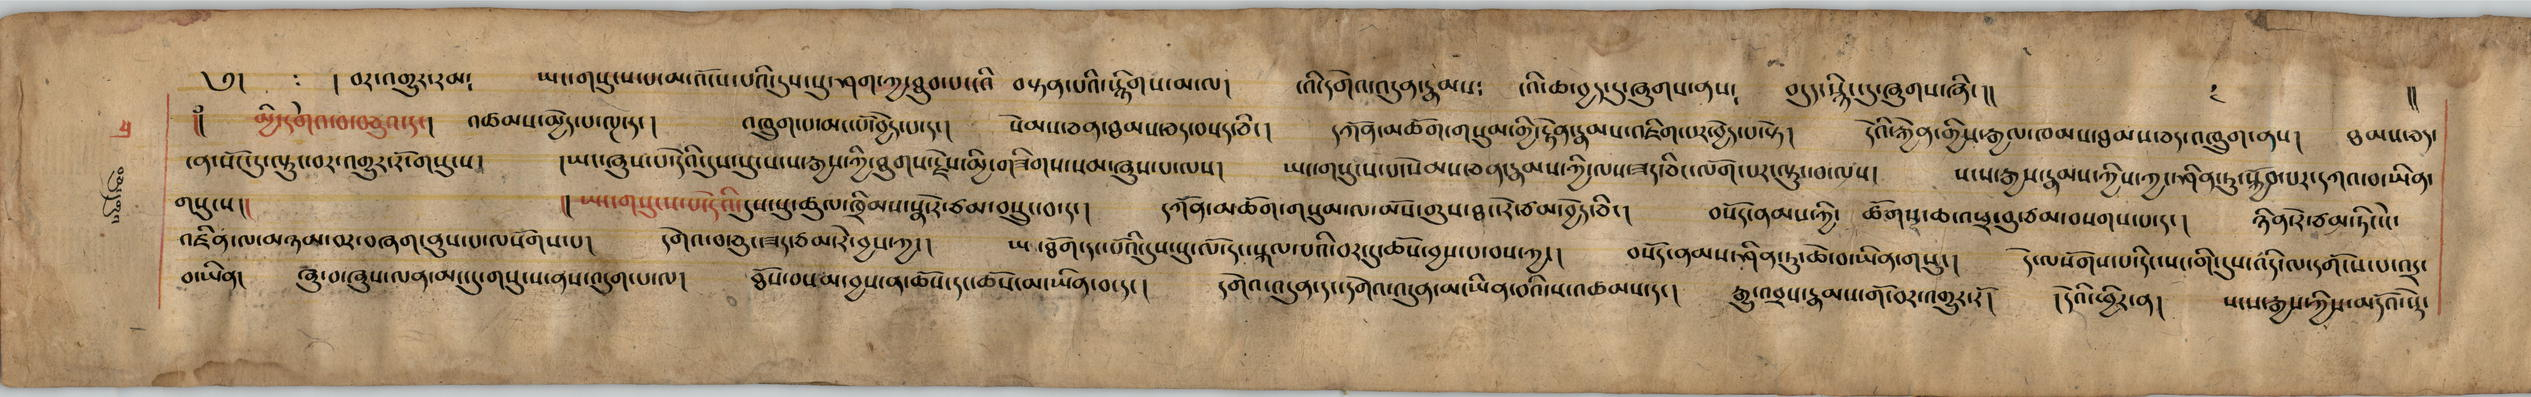༅། ། བར་འགྱུར་རམ་ ཡང་གསུངས་པ་མ་འོངས་པའི་དུས་སུ་ཤག་ཀྱ་ཐུབ་པ་ངའི བསྟན་པའི་སྙིགས་མ་ལ། ངའི་དགེའ་འདུན་རྣམས་ ངའི་ཆབྱད་དུ་ཞུགས་ནས་ བདུད་སྣིང་དུ་ཞུགས་ཞིང།།
།། མྱི་དགེའ་བ་བཅུའ་དང། འཚམས་མྱེད་པ་ལྔ་དང། འཁྲུག་པ་མང་པོ་བྱེད་པ་དང། སེམས་ཅན་ཐམས་ཅད་བསད་ཅིང། དཀོན་མཆོག་གསུམ་གྱི་རྟེན་རྣམས་འཇིག་པར་བྱེད་པ་སྟེ། དེའི་རྐྱེན་གྱིས་རྒྱལ་ཁམས་ཐམས་ཅད་འཁྲུག་ནས། ཐམས་ཅད་
ངན་སོང་དུ་ལྟུང་བར་འགྱུར་རོ་གསུངས། །ཡང་ཞུས་པ་དེའི་དུས་སུ་སངས་རྒྱས་ཀྱི་ཐུགས་རྗེས་མྱི་གཟིགས་སམ་ཞུས་པ་ལས། ཡང་གསུངས་པ་སེམས་ཅན་རྣམས་ཀྱི་ལས་ཟད་ཅིང་ལོག་པར་ལྟུང་བ་ལས། སངས་རྒྱས་རྣམས་ཀྱིས་ཀྱང་ཤིན་ཏུ་སྐྱོབ་པར་དཀའ་བ་ཡིན་
གསུངས།། །། ཡང་གསུངས་པ་དེའི་དུས་སུ་ཚུལ་ཁྲིམས་སྣ་རེ་ཙམ་བསྲུང་བ་དང། དཀོན་མཆོག་གསུམ་ལ་མོས་གུས་ཐང་རེ་ཙམ་བྱེད་ཅིང། བསོད་ནམས་ཀྱི་ ཚོགས་ཆ་འཕྲ་བུ་ཙམ་བསགས་པ་དང། ཉིན་རེ་ཙམ་ཏིང་ངེ་
འཛིན་ལ་མཉམ་བར་བཞག་ནུས་ལསོགས་པ། དགེའ་བ་ཅུང་ཟད་ཙམ་རེ་བྱས་ཀྱང། ཡ་ཐོག་དང་པོའི་དུས་སུ་ལོ་དང་སྐལ་པའི་བར་དུ་ཆོས་བྱས་པ་བས་ཀྱང། བསོད་ནམས་ཤིན་ཏུ་ཆེ་བ་ཡིན་གསུང། དེ་ལསོགས་པ་དིང་སང་གི་དུས་འདི་ལ་དགོངས་པ་འདྲ་
བ་ཡིན། ཞུ་བ་ཞུས་ལན་མང་དུ་གསུངས་ནས་འདུག་པ་ལ། ཐོས་བསམ་བྱས་ན་ཆོས་དང་ཆོས་མ་ཡིན་བ་དང། དགེའ་འདུན་དང་དགེའ་འདུན་མ་ཡིན་བའི་ས་འཚམས་དང། རྒྱུ་འབྲས་རྣམས་གོ་བར་འགྱུར་རོ། །དེའི་ཕྱིར་ན། སངས་རྒྱས་ཀྱིས་མདོའ་སྡེ་